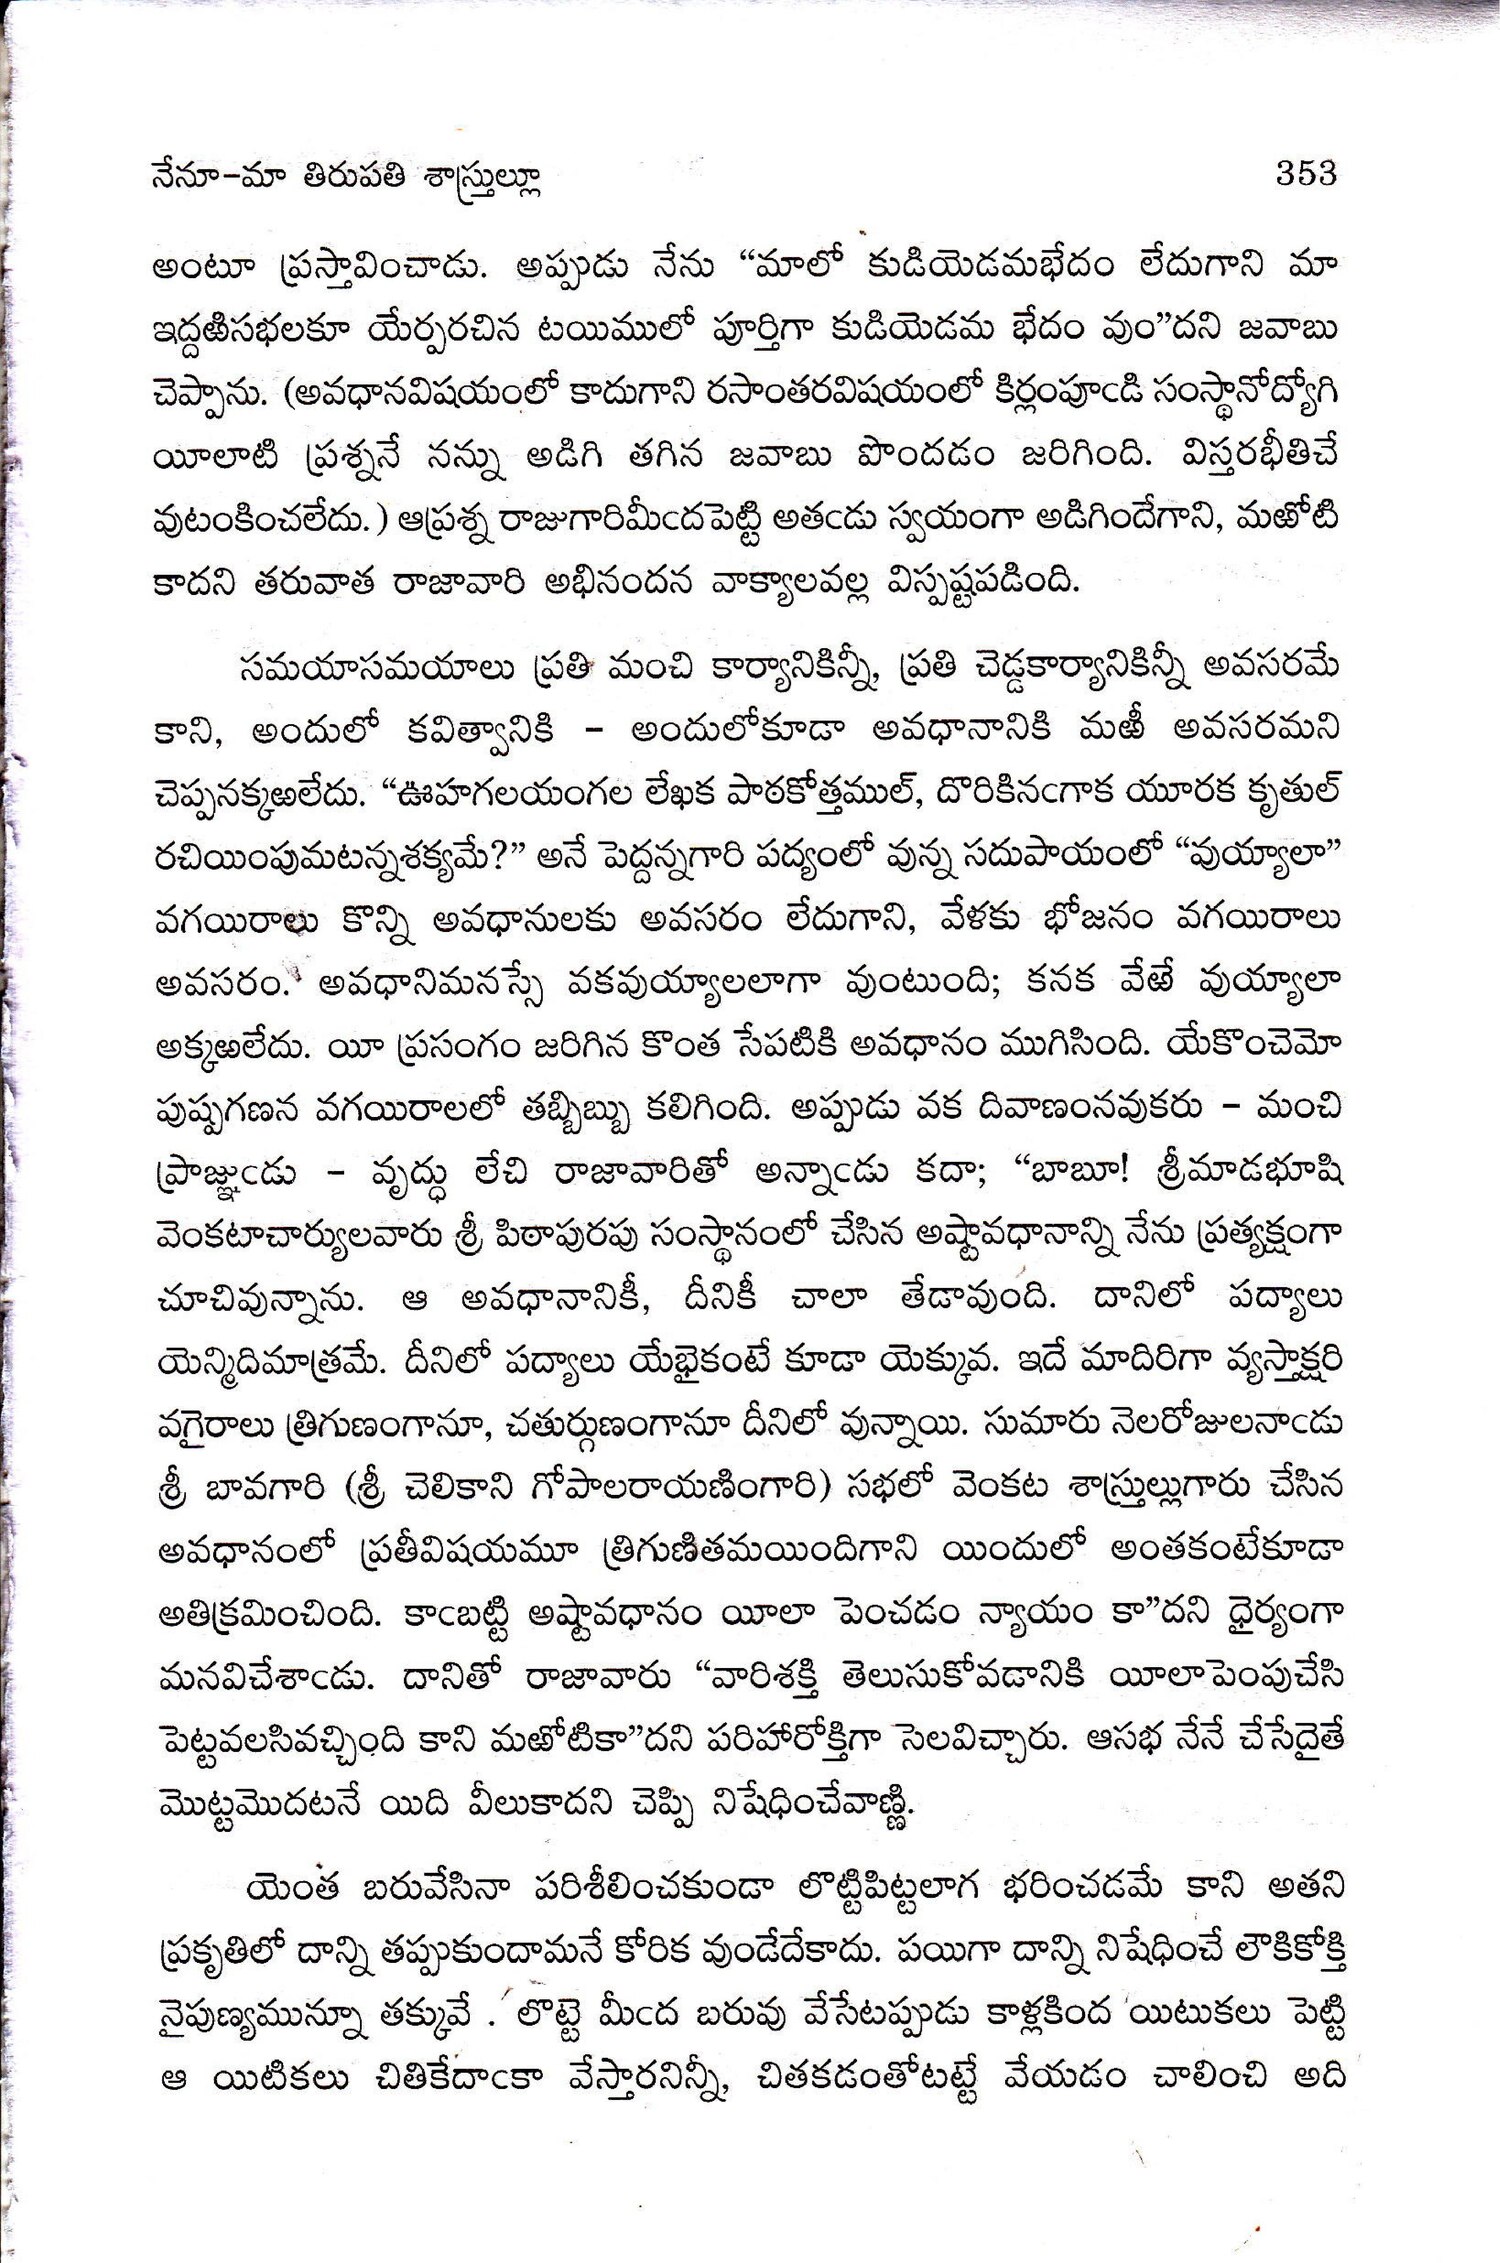అంటూ ప్రస్తావించాడు. అప్పుడు నేను “మాలో కుడియెడమభేదం లేదుగాని మా ఇద్దఱిసభలకూ యేర్పరచిన టయిములో పూర్తిగా కుడియెడమ భేదం వుందని జవాబు చెప్పాను. (అవధానవిషయంలో కాదుగాని రసాంతరవిషయంలో కిర్లంపూఁడి సంస్థానోద్యోగి యీలాటి ప్రశ్ననే నన్ను అడిగి తగిన జవాబు పొందడం జరిగింది. విస్తరభీతిచే వుటంకించలేదు.) ఆప్రశ్న రాజుగారిమీఁదపెట్టి అతఁడు స్వయంగా అడిగిందేగాని, మఱోటి కాదని తరువాత రాజావారి అభినందన వాక్యాలవల్ల విస్పష్టపడింది.

సమయాసమయాలు ప్రతి మంచి కార్యానికిన్నీ ప్రతి చెడ్డకార్యానికిన్నీ అవసరమే కాని, అందులో కవిత్వానికి - అందులోకూడా అవధానానికి మఱీ అవసరమని చెప్పనక్కఱలేదు. “ఊహగలయంగల లేఖక పాఠకోత్తముల్, దొరికినఁగాక యూరక కృతుల్ రచియింపుమటన్నశక్యమే?” అనే పెద్దన్నగారి పద్యంలో వున్న సదుపాయంలో "వుయ్యాలా" వగయిరాలు కొన్ని అవధానులకు అవసరం లేదుగాని, వేళకు భోజనం వగయిరాలు అవసరం. అవధానిమనస్సే వకవుయ్యాలలాగా వుంటుంది; కనక వేఱే వుయ్యాలా అక్కఱలేదు. యీ ప్రసంగం జరిగిన కొంత సేపటికి అవధానం ముగిసింది. యేకొంచెమో పుష్పగణన వగయిరాలలో తబ్బిబ్బు కలిగింది. అప్పడు వక దివాణంనవుకరు - మంచి ప్రాజ్ఞుఁడు - వృదు లేచి రాజావారితో అన్నాఁడు కదా: “బాబూ! శ్రీమాడభూషి వెంకటాచార్యులవారు శ్రీ పిఠాపురపు సంస్థానంలో చేసిన అష్టావధానాన్ని నేను ప్రత్యక్షంగా చూచివున్నాను. ఆ అవధానానికీ, దీనికీ చాలా తేడావుంది. దానిలో పద్యాలు యెన్మిదిమాత్రమే. దీనిలో పద్యాలు యేభైకంటే కూడా యొక్కువ. ఇదే మాదిరిగా వ్యస్తాక్షరి వగైరాలు త్రిగుణంగానూ, చతుర్గుణంగానూ దీనిలో వున్నాయి. సుమారు నెలరోజులనాఁడు శ్రీ బావగారి (శ్రీ చెలికాని గోపాలరాయణింగారి) సభలో వెంకట శాస్త్రుల్లుగారు చేసిన అవధానంలో ప్రతీవిషయమూ త్రిగుణితమయిందిగాని యిందులో అంతకంటేకూడా అతిక్రమించింది. కాఁబట్టి అష్టావధానం యీలా పెంచడం న్యాయం కాదని ధైర్యంగా మనవిచేశాఁడు. దానితో రాజావారు “వారిశక్తి తెలుసుకోవడానికి యీలా పెంపుచేసి పెట్టవలసివచ్చింది కాని మఱోటికాదని పరిహారోక్తిగా సెలవిచ్చారు. ఆసభ నేనే చేసేదైతే మొట్టమొదటనే యిది వీలుకాదని చెప్పి నిషేధించేవాణ్ణి.

యెంత బరువేసినా పరిశీలించకుండా లొట్టిపిట్టలాగ భరించడమే కాని అతని ప్రకృతిలో దాన్ని తప్పుకుందామనే కోరిక వుండేదేకాదు. పయిగా దాన్ని నిషేధించే లౌకికోక్తి నైపుణ్యమున్నూ తక్కువే. లొట్టె మీఁద బరువు వేసేటప్పుడు కాళ్లకింద యిటుకలు పెట్టి ఆ యిటికలు చితికేదాఁకా వేస్తారనిన్నీ చితకడంతోటట్టే వేయడం చాలించి అది